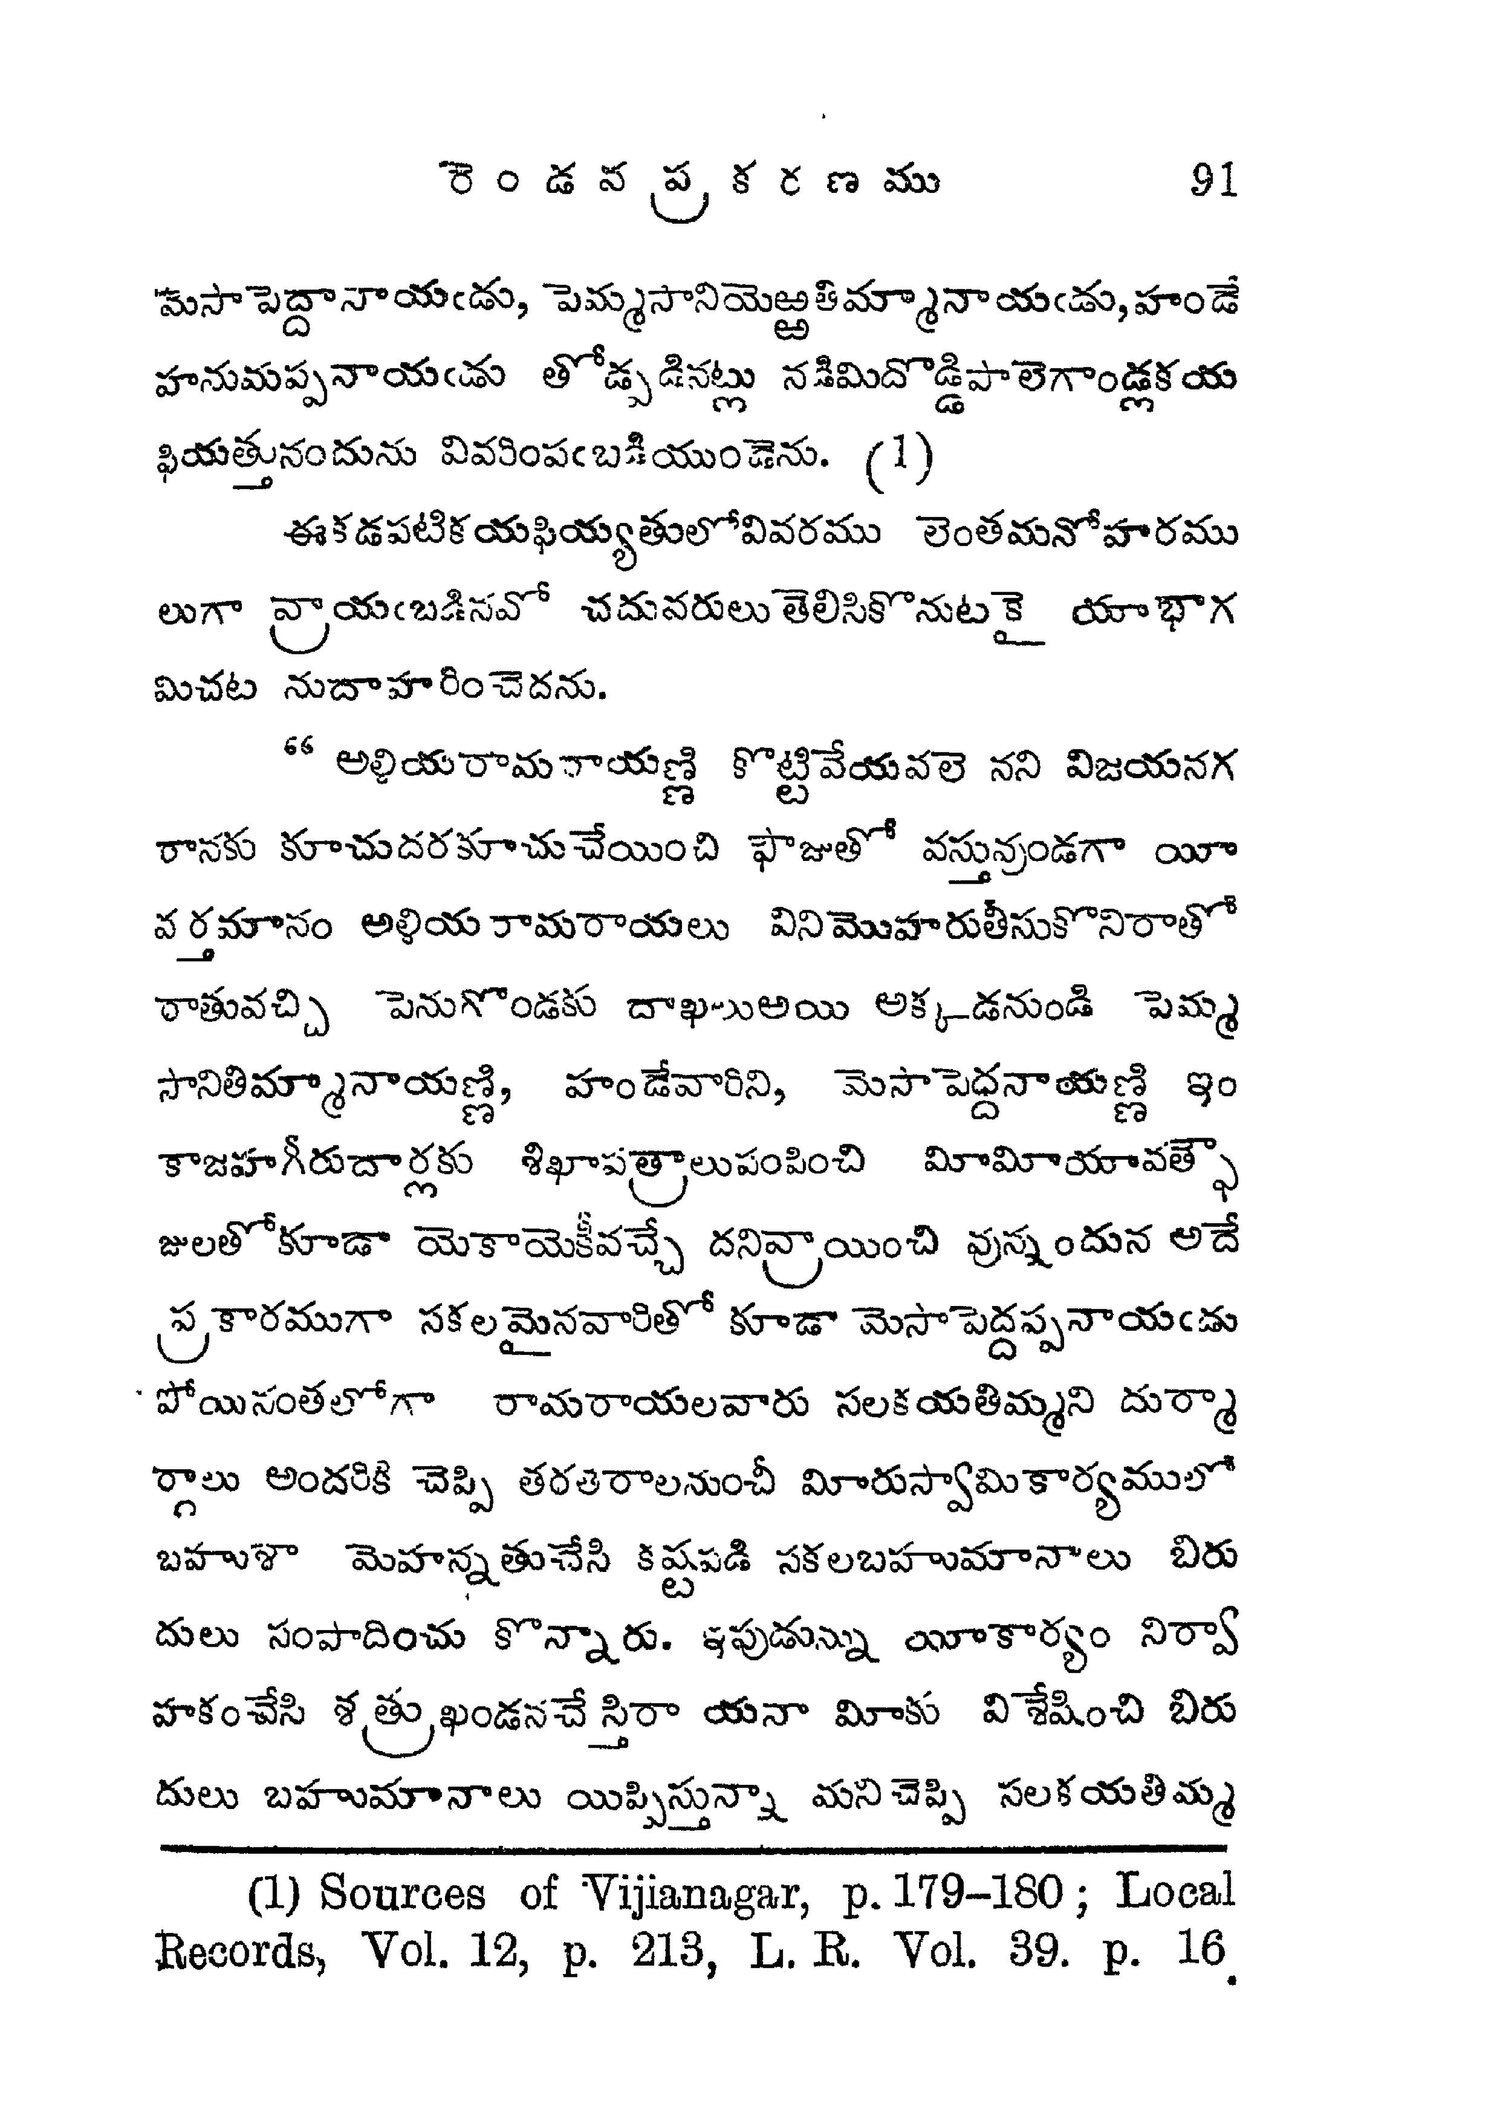మెసాపెద్దానాయడు, పెమ్మసానియెఱ్ఱతిమ్మానాయడు, హండే హనుమప్పనాయడు తోడ్పడినట్లు నడిమిదొడ్డిపాలెగాండ్లకయఫియత్తునందును వివరింపబడియుండెను.

ఈకడపటికయఫియతులోవివరము లెంతమనోహరములుగా వ్రాయబడినవో చదువరులు తెలిసికొనుటకై యాభాగ మిచట నుదాహరించెదను.

"అళియరామరాయణ్ణి కొట్టివేయవలె నని విజయనగరానకు కూచుదరకూచువేయించి ఫౌజుతో వస్తువుండగా యీ వర్తమానం అళియరామరాయలు వినిమొహరుతీసుకొనిరాతో రాతువచ్చి పెనుగొండకు దాఖలుఅయి అక్కడనుండి పెమ్మసానితిమ్మానాయణ్ణి, హండేవారిని, మెసాపెద్దనాయణ్ణి ఇంకాజహగీరుదార్లకు శిఖాపత్రాలుపంపించి మీమీయావత్ఫౌజులతోకూడా యెకాయెకీవచ్చే దనివ్రాయించి వున్నందున అదేప్రకారముగా సకలమైనవారితో కూడా మెసాపెద్దప్పనాయడు పోయినంతలోగా రామరాయలవారు సలకయతిమ్మని దుర్మార్గాలు అందరికి చెప్పి తరతరాలనుంచీ మీరుస్వామికార్యములో బహుశా మెహన్నతుచేసి కష్టపడి సకలబహుమానాలు బిరుదులు సంపాదించు కొన్నారు. ఇపుడున్న యీకార్యం నిర్వాహకంచేసి శత్రుఖండనచేస్తిరా యనా మీకు విశేషించి బిరుదులు బహుమానాలు యిప్పిస్తున్నా మనిచెప్పి సలకయతిమ్మ